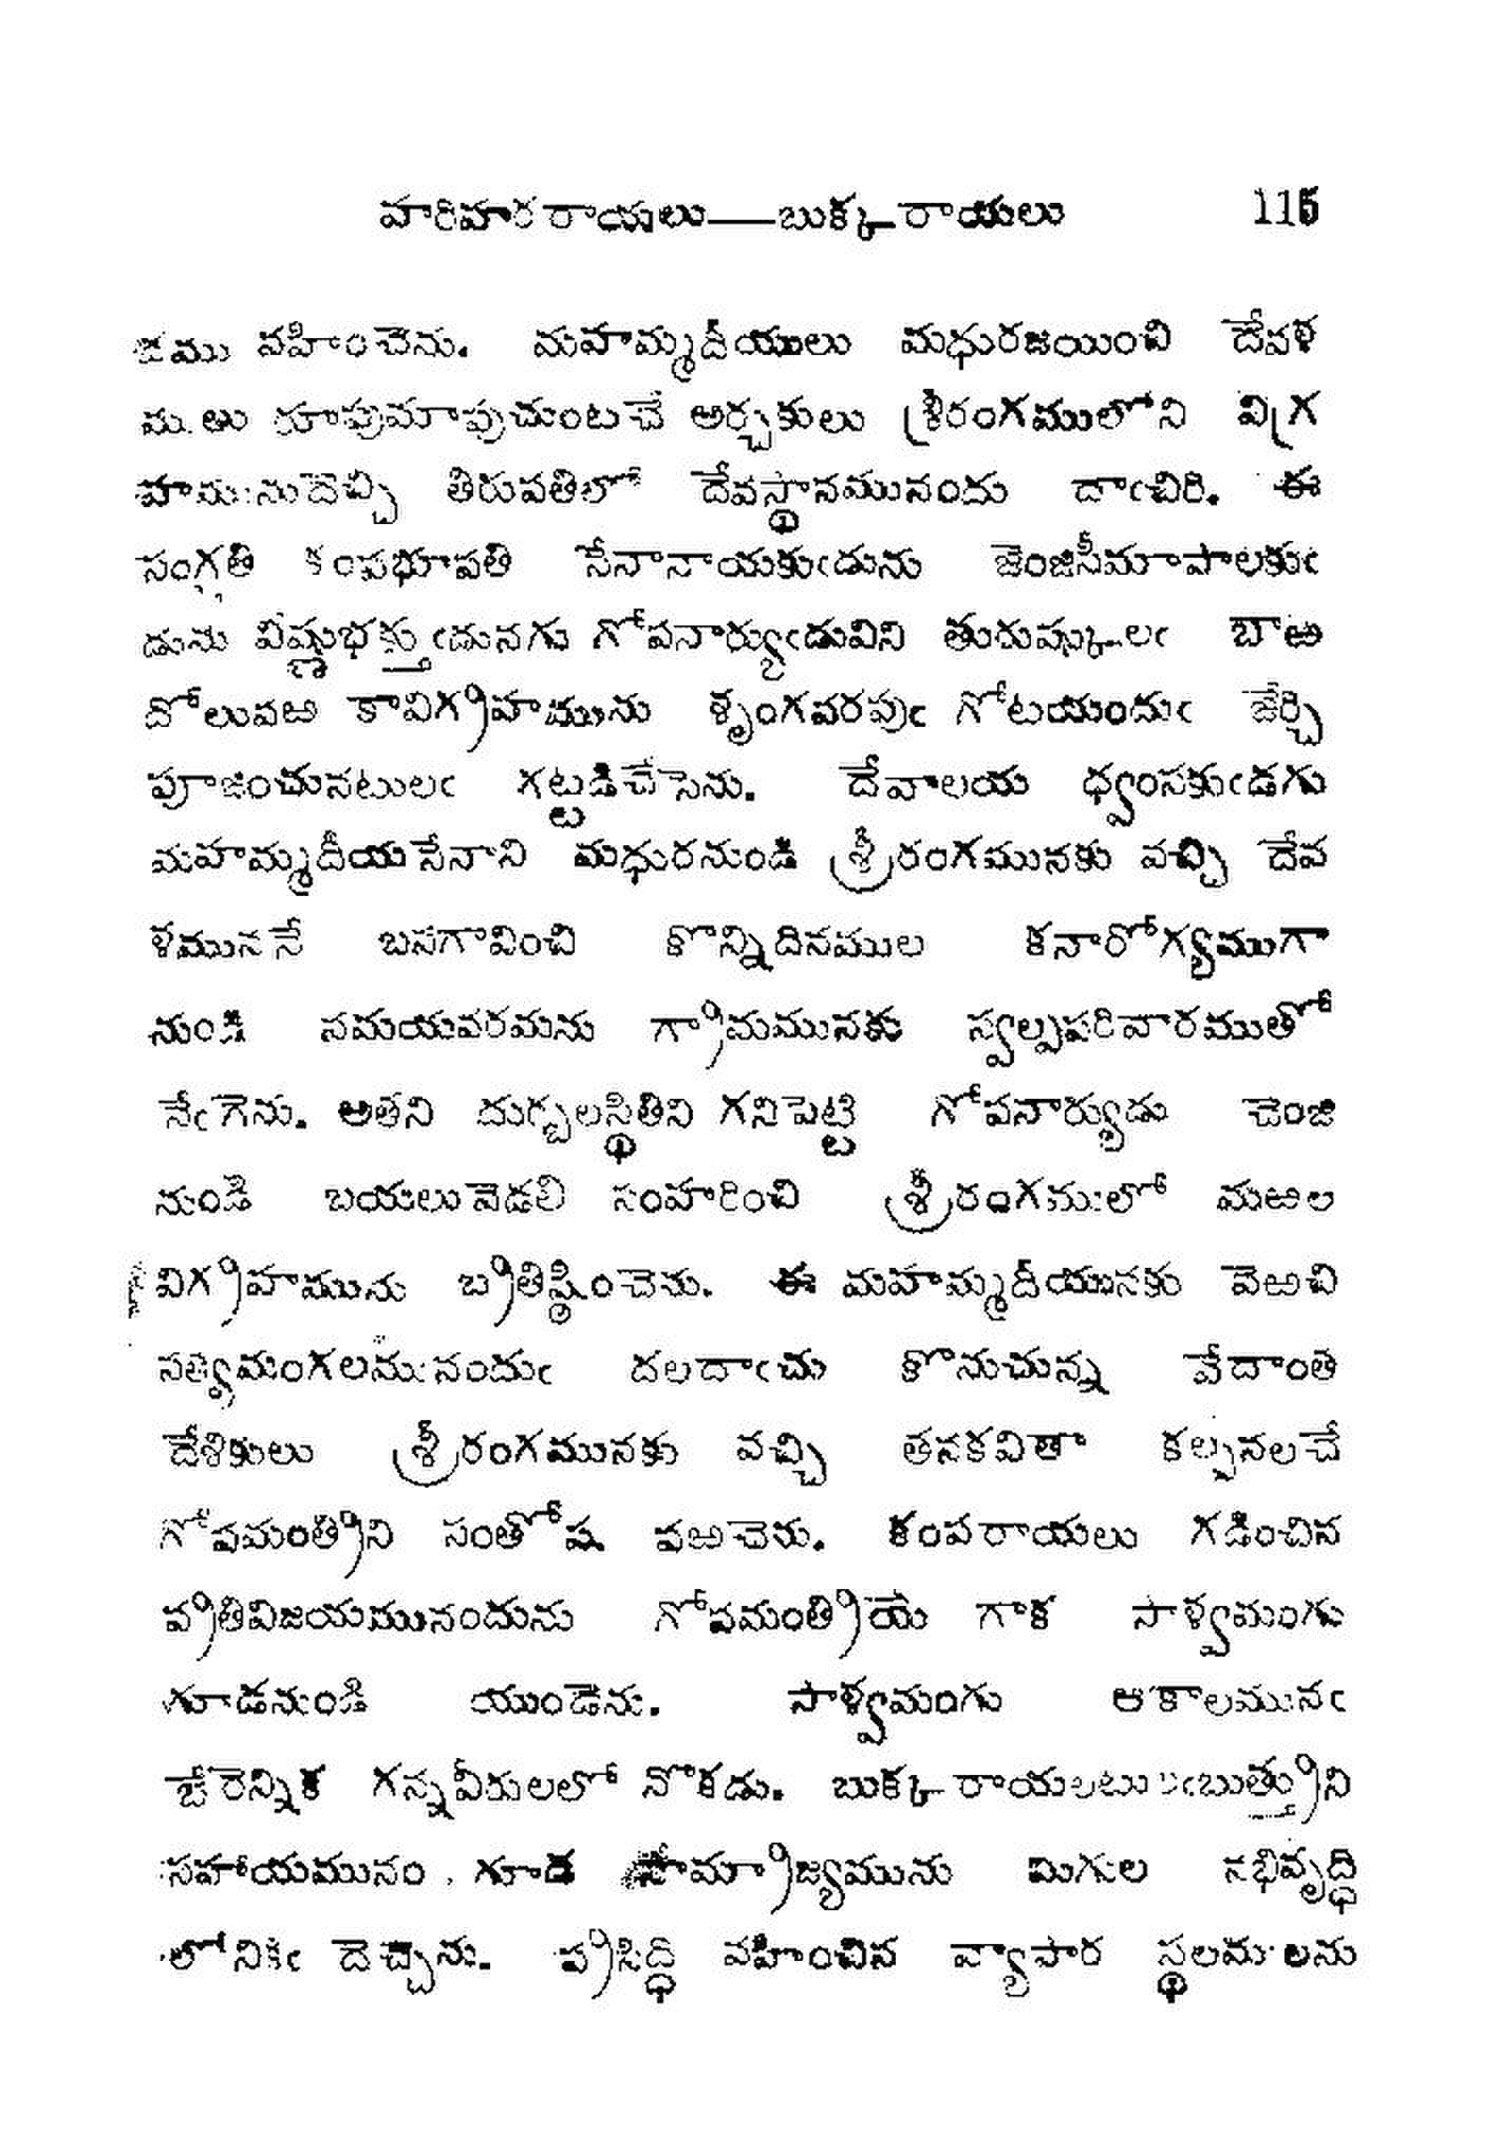దము వహించెను. మహమ్మదీయులు మధురజయించి దేవళములు రూపుమాపుచుంటచే అర్చకులు శ్రీరంగములోని విగ్రహమునుదెచ్చి తిరుపతిలో దేవస్థానమునందు దాచిరి. ఈ సంగతి కంపభూపతి సేనానాయకుడును జెంజీసీమాపాలకుడును విష్ణుభక్తుడునగు గోపనార్యుడువిని తురుష్కుల బాఱదోలువఱ కావిగ్రహమును శృంగవరపు గోటయందు జేర్చి పూజించునటుల గట్టడిచేసెను. దేవాలయ ధ్వంసకుడగు మహమ్మదీయసేనాని మధురనుండి శ్రీరంగమునకు వచ్చి దేవళముననే బసగావించి కొన్నిదినముల కనారోగ్యముగా నుండి సమయవరమను గ్రామమునకు స్వల్పపరివారముతో నేగెను. అతని దుర్బలస్థితిని గనిపెట్టి గోపనార్యుడు చెంజి నుండి బయలువెడలి సంహరించి శ్రీరంగములో మఱల విగ్రహమును బ్రతిష్ఠించెను. ఈ మహమ్మదీయునకు వెఱచి సత్యమంగలమునందు దలదాచు కొనుచున్న వేదాంత దేశికులు శ్రీరంగమునకు వచ్చి తనకవితా కల్పనలచే గోపమంత్రిని సంతోష పఱచెను. కంపరాయలు గడించిన ప్రతివిజయమునందును గోపమంత్రియే గాక సాళ్వమంగు గూడనుండి యుండెను. సాళ్వమంగు ఆకాలమున బేరెన్నిక గన్నవీరులలో నొకడు. బుక్కరాయలటుల బుత్రుని సహాయమునం గూడ సామ్రాజ్యమును మిగుల నభివృద్ధిలోనికి దెచ్చెను. ప్రసిద్ధి వహించిన వ్యాపార స్థలములను